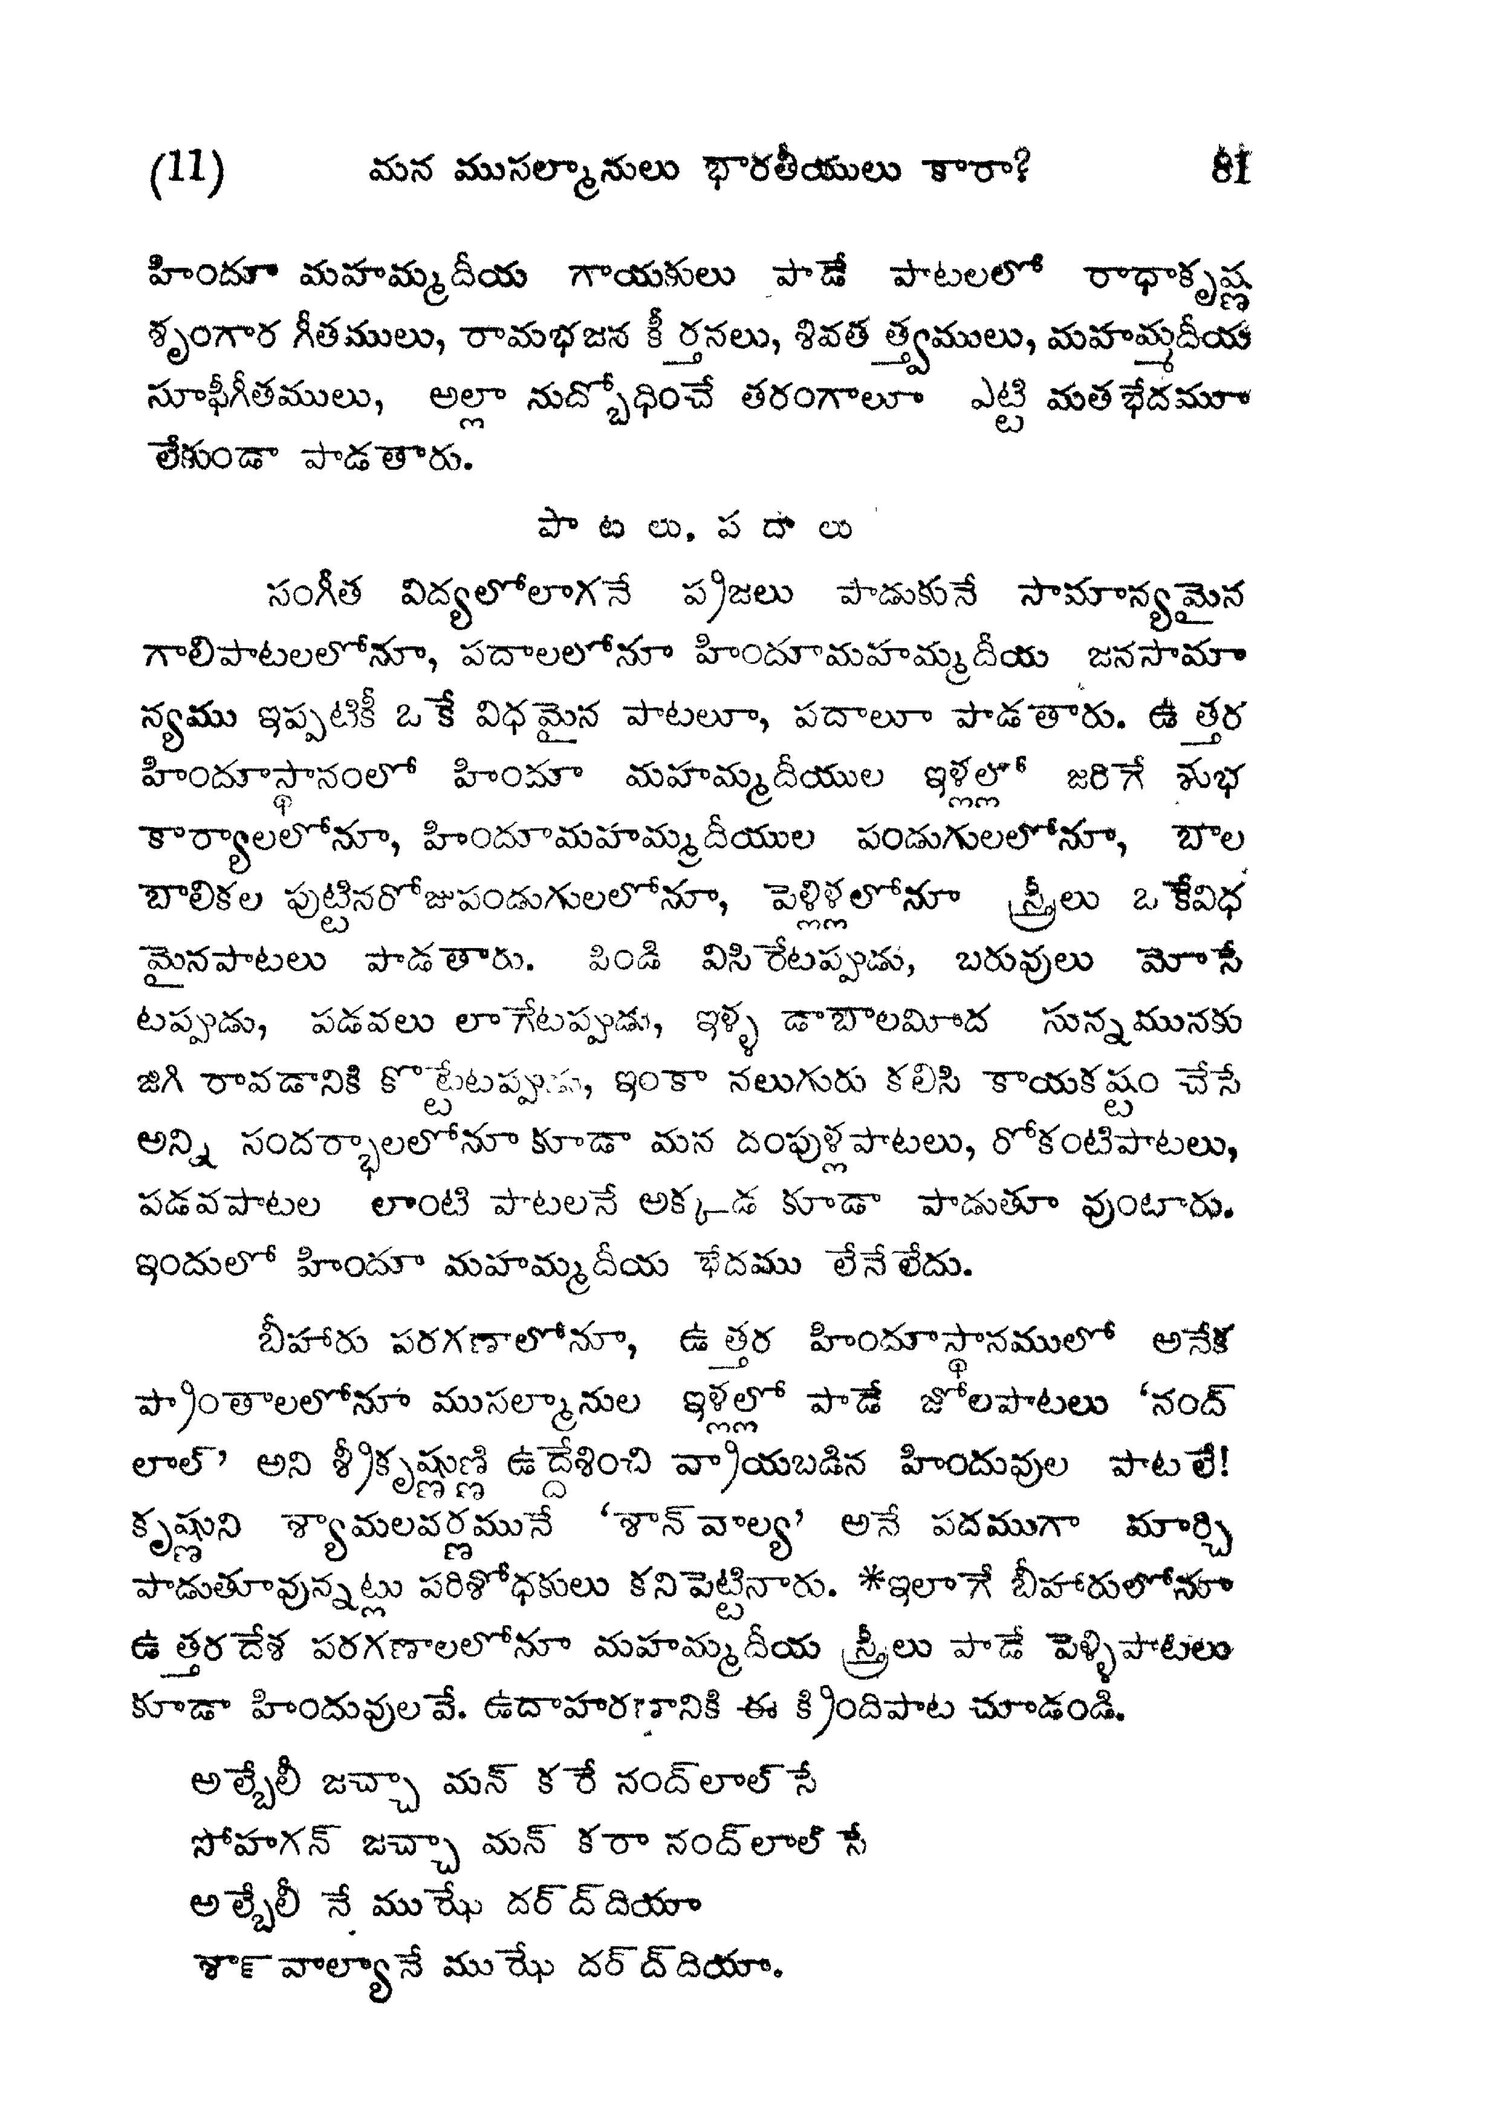హిందూ మహమ్మదీయ గాయకులు పాడే పాటలలో రాధాకృష్ణ శృంగార గీతములు, రామభజన కీర్తనలు, శివతత్త్వములు, మహమ్మదీయ సూఫీగీతములు, అల్లా నుద్భోదించే తరంగాలూ ఎట్టి మతభేదమూ లేకుండా పాడతారు.

సంగీత విద్యలోలాగనే ప్రజలు పాడుకునే సామాన్యమైన గాలిపాటలలోనూ పదాలలోనూ హిందూమహమ్మదీయ జనసామాన్యము ఇప్పటికీ ఒకే విధమైన పాటలూ, పదాలూ పాడతారు. ఉత్తర హిందూస్థానంలో హిందూ మహమ్మదీయుల పండుగలలోనూ, బాలబాలికల పుట్టినరోజుపండుగలలోనూ, పెళ్లిళ్లలోనూ స్త్రీలు ఒకేవిధమైనపాటలు పాడతారు. పిండి విసిరేటప్పుడు, బరువులు మోసేటప్పుడు, పడవలు లాగేటప్పుడు, ఇళ్ళ డాబాలమీద సున్నమునకు జిగి రావడానికి కొట్టేటప్పుడు, ఇంకా నలుగురు కలిసి కాయకష్టం చేసే అన్ని సందర్భాలలోనూకూడా మన దంఫుళ్ళపాటలు, రోకంటిపాటలు, పడవపాటల లాంటి పాటలనే అక్కడ కూడా పాడుతూ వుంటారు. ఇందులో హిందూ మహమ్మదీయ భేదము లేనే లేదు.

బీహారు పరగణాలలోనూ ఉత్తర హిందూస్థానములో అనేక ప్రాంతాలలోనూ ముసల్మానుల ఇళ్లల్లో పాడే జోలపాటలు 'నంద్ లాల్ ' అని శ్రీకృష్ణున్ని ఉద్దేశించి వ్రాయబడిన హిందువుల పాటలే! కృష్ణుని శ్యామ లవర్ణమునే 'శాన్ వాల్య ' అనే పదముగా మార్చి పాడుతూవున్నట్లు పరిశోధకులు కనిపెట్టినారు. *ఇలాగే బీహారు లోనూ ఉత్తరదేశ పరగణాలలోనూ మహమ్మదీయ స్త్రీలు పాడే పెళ్ళిపాటలు కూడా హిందువులవే. ఉదాహరణానికి ఈ క్రిందిపాటచూడండి.

అల్బెలీ జచ్చా మన్ కరే నంద్ లాల్ సే 
సోహగన్ జచ్చా మన్ కరా నంద్ లాల్ సే 
అల్బేలీ నీ ముఝే దర్ ద్ దియా
శాన్ వాల్యానే ముఝే దర్ ద్ దియా.